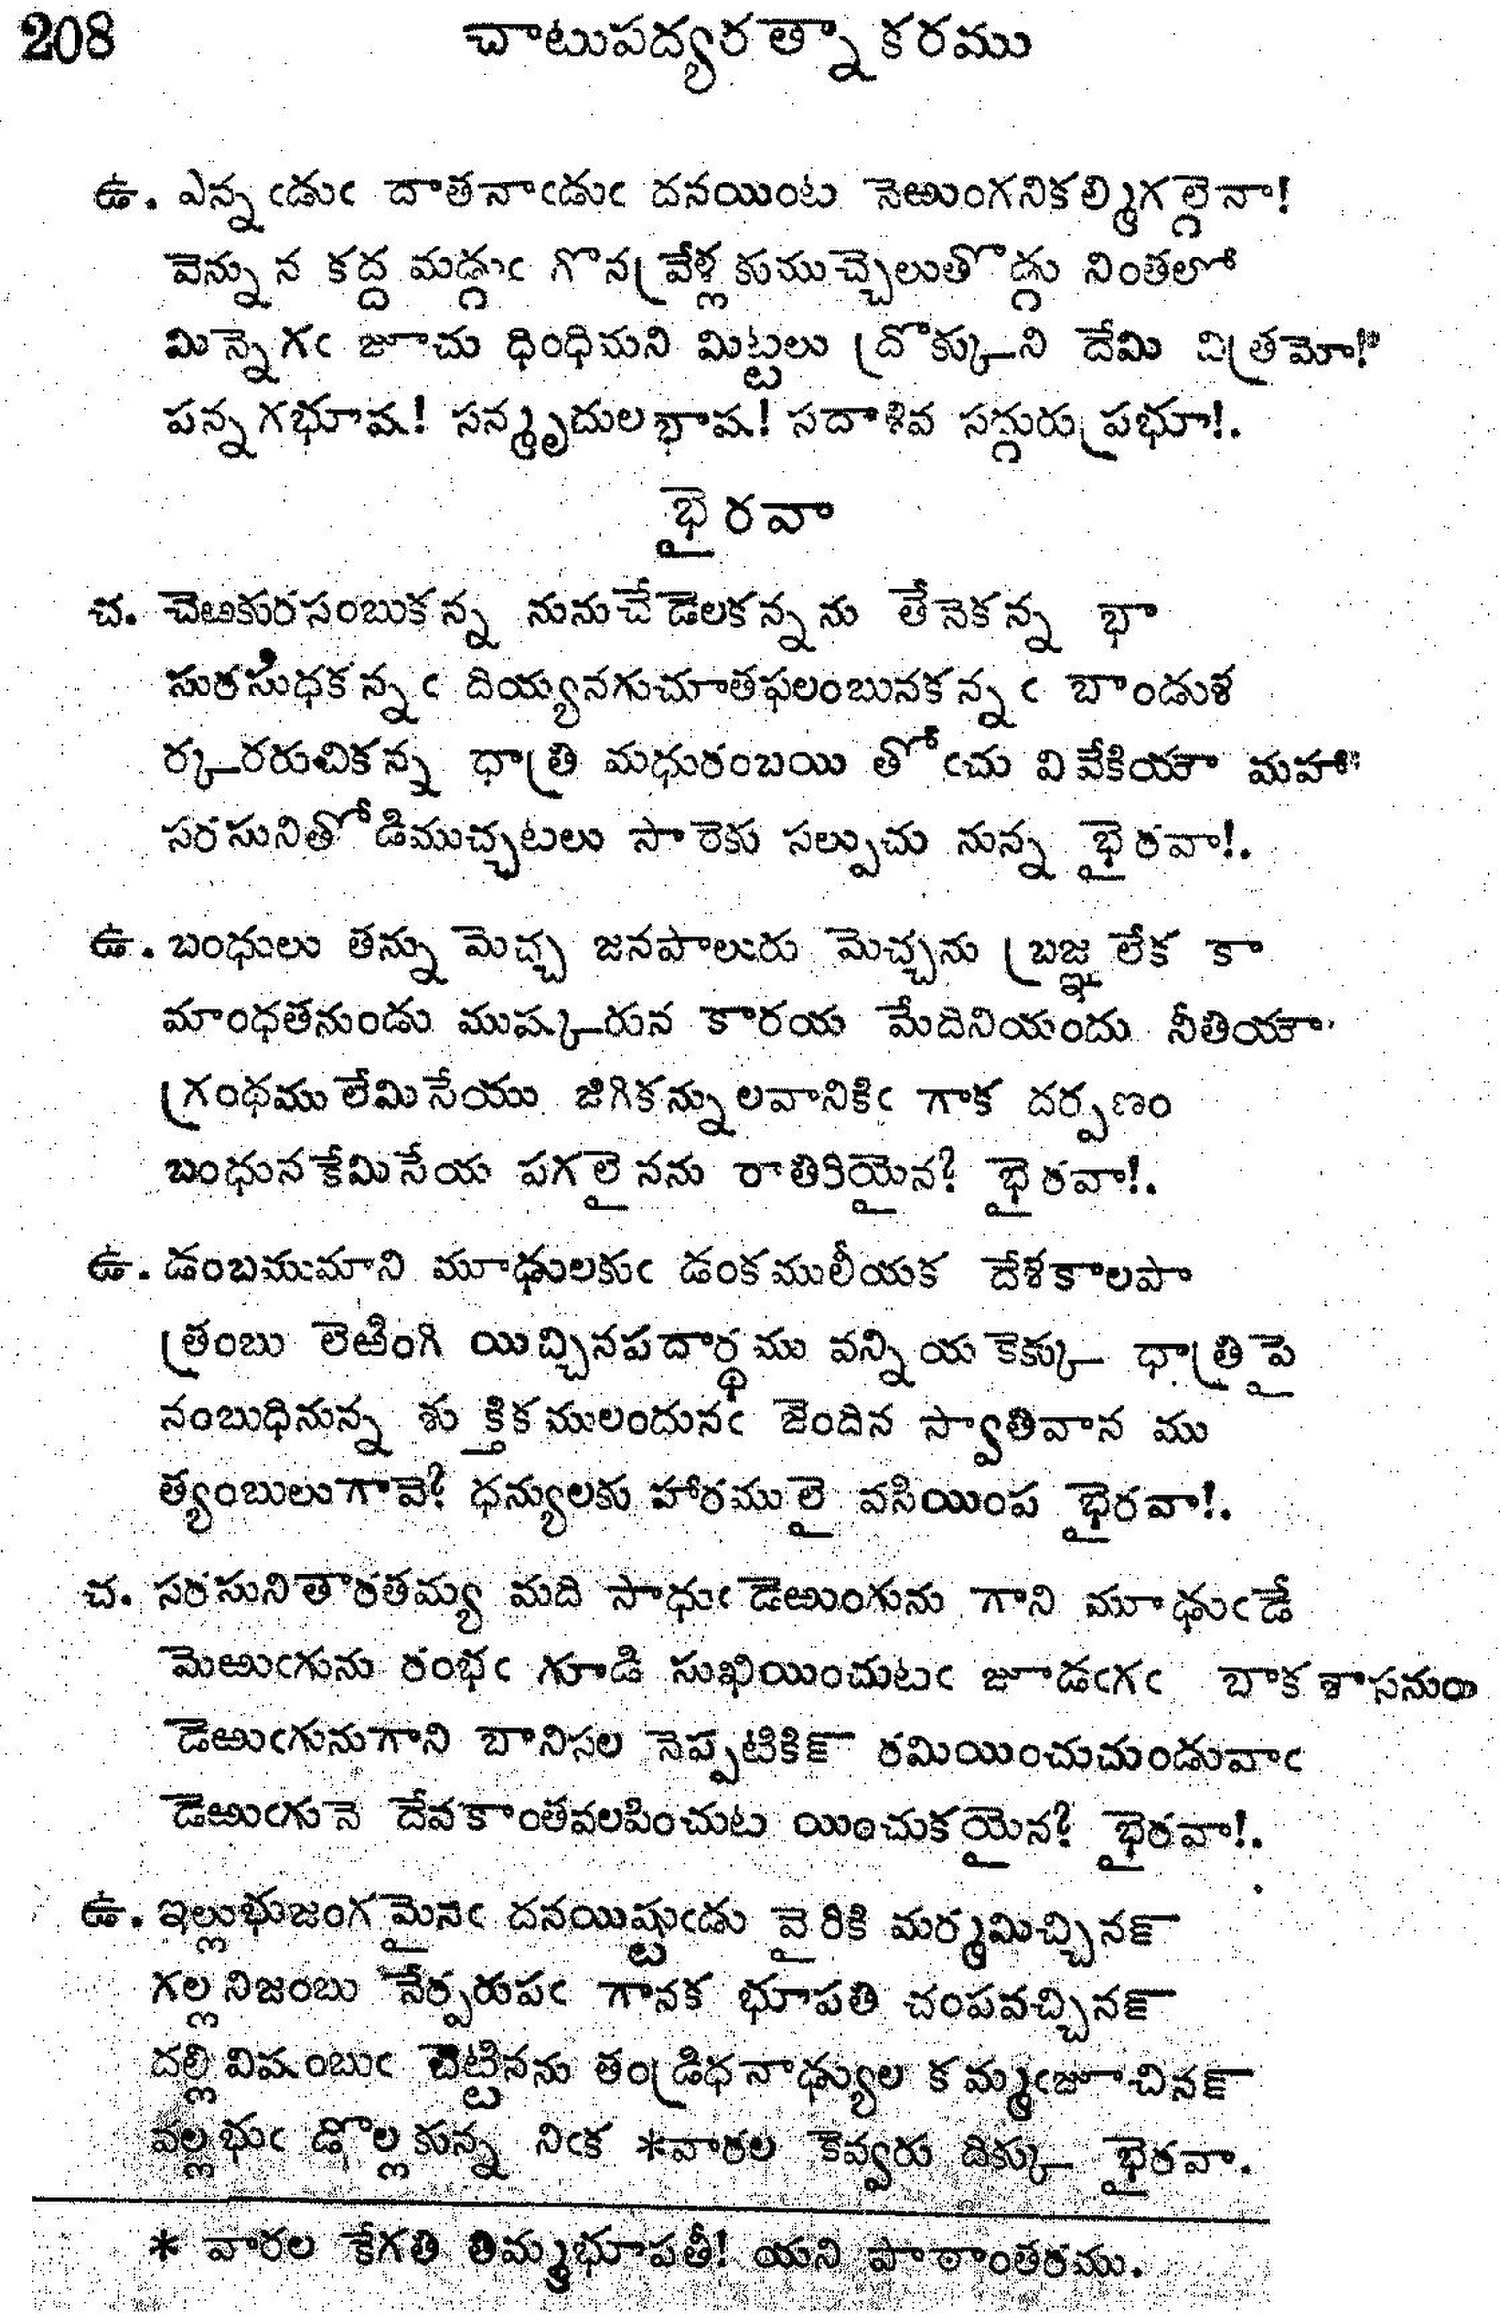ఉ. ఎన్నఁడుఁ దాతనాఁడుఁ దనయింట నెఱుంగనికల్మిగల్గెనా!
 వెన్నున కద్ద మడ్గుఁ గొనవేళ్ళకుముచ్చెలుతొడ్గు నింతలో
 మిన్నెగఁ జూచు ధింధిమని మిట్టలు ద్రొక్కుని దేమి చిత్రమో!
 పన్నగభూష! సన్మృదులభాష! సదాశివసద్గురుప్రభూ!

చ. చెఱకురసంబుకన్న నునుచేడెలకన్నను తేనెకన్న భా
 సురసుధకన్నఁ దియ్యనగుచూతఫలంబుకన్నఁ బాండుశ
 ర్కరరుచికన్న ధాత్రి మధురంబయి తోఁచు వివేకియౌ మహా
 సరసునితోడిముచ్చటలు సారెకు సల్పుచు నున్న భైరవా!

ఉ. బంధులు తన్ను మెచ్చ జనపాలురు మెచ్చను బ్రజ్ఞలేక కా
 మాంధతనుండు ముష్కరున కారయ మేదినియందు నీతియౌ
 గ్రంథములేమిసేయు జిగికన్నులవానికిఁ గాక దర్పణం
 బంధునకేమిసేయ పగలైనను రాతిరియైన? భైరవా!

ఉ. డంబముమాని మూఢులకుఁ డంకములీయక దేశకాలపా
 త్రంబు లెఱింగి యిచ్చినపదార్థము వన్నియకెక్కు ధాత్రిపై
 నంబుధినున్న శుక్తికములందునఁ జెందిన స్వాతివాన ము
 త్యంబులుగావె? ధన్యులకు హారములై వసియింప భైరవా!

చ. సరసునితారతమ్య మది సాధుఁడెఱుంగును గాని మూఢుఁడే
 మెఱుఁగును రంభఁ గూడి సుఖియించుటఁ జూడఁగఁ బాకశాసనుం
 డెఱుఁగునుగాని బానిసల నెప్పటికిన్ రమియించుచుండువాఁ
 డెఱుఁగునె దేవకాంతవలపించుట యించుకయైన? భైరవా!

ఉ. ఇల్లు భుజంగమైనఁ దనయిష్టుఁడు వైరికి మర్మమిచ్చినన్
 గల్లనిజంబు నేర్పరుపఁ గానక భూపతి చంపవచ్చినన్
 దల్లి విషంబుఁ బెట్టినను తండ్రి ధనాఢ్యుల కమ్మఁజూచినన్
 వల్లభుఁ డొల్లకున్న నిఁక వారల కెవ్వరు దిక్కు భైరవా!